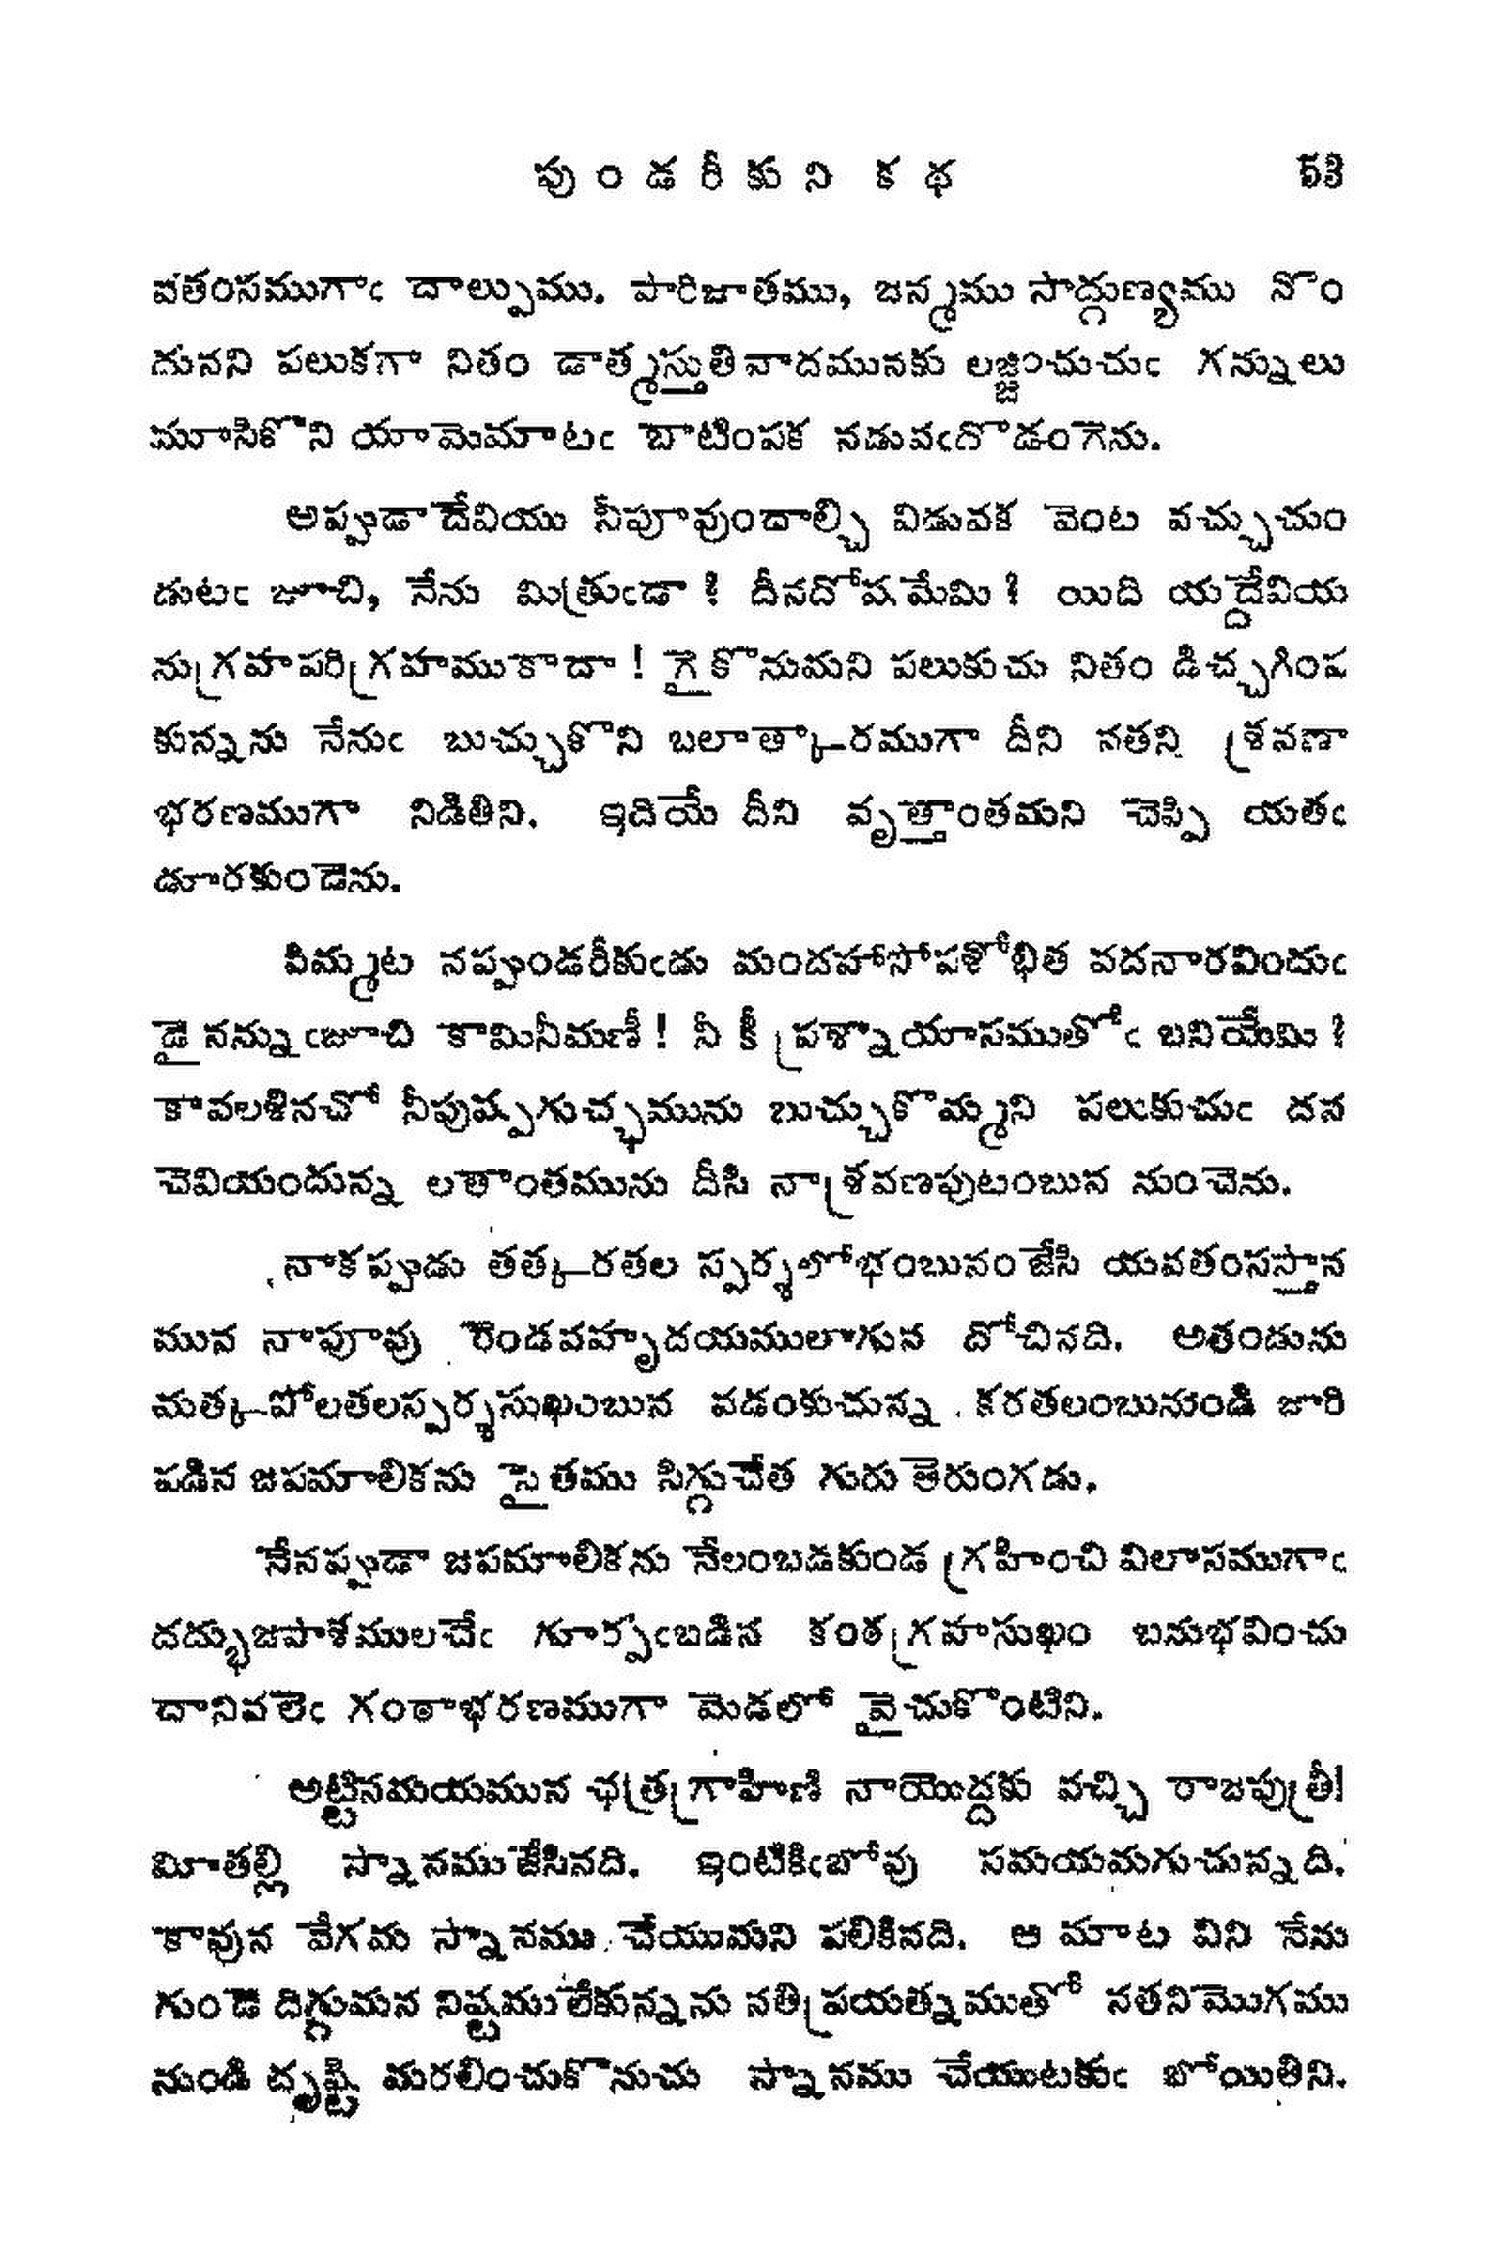వతంసముగాఁ దాల్పుము. పారిజాతము, జన్మము సాద్గుణ్యము నొందునని పలుకగా నితం డాత్మస్తుతివాదమునకు లజ్జించుచుఁ గన్నులు మూసికొని యామెమాటఁ బాటింపక నడువఁదొడంగెను.

అప్పుడాదేవియు నీపూవుందాల్చి విడువక వెంట వచ్చుచుండుటఁ జూచి, నేను మిత్రుఁడా? దీనదోషమేమి? యిది యద్దేవియనుగ్రహపరిగ్రహముకాదా! గైకొనుమని పలుకుచు నితం డిచ్చగింపకున్నను నేనుఁ బుచ్చుకొని బలాత్కారముగా దీని నతని శ్రవణాభరణముగా నిడితిని. ఇదియే దీని వృత్తాంతమని చెప్పి యతఁ డూరకుండెను.

పిమ్మట నప్పుండరీకుఁడు మందహాసోపశోభిత వదనారవిందుఁడై నన్నుఁజూచి కామినీమణీ! నీ కీ ప్రశ్నాయాసముతోఁ బనియేమి? కావలశినచో నీపుష్పగుచ్ఛమును బుచ్చుకొమ్మని పలుకుచుఁ దన చెవియందున్న లతాంతమును దీసి నాశ్రవణపుటంబున నుంచెను.

నాకప్పుడు తత్కరతల స్పర్శలోభంబునంజేసి యవతంసస్తానమున నాపూవు రెండవహృదయములాగున దోచినది. అతండును మత్కపోలతలస్పర్శసుఖంబున వడంకుచున్న కరతలంబునుండి జారిపడిన జపమాలికను సైతము సిగ్గుచేత గురు తెరుంగడు. 

నేనప్పుడా జపమాలికను నేలంబడకుండ గ్రహించి విలాసముగాఁ దద్భుజపాశములచేఁ గూర్పఁబడిన కంఠగ్రహసుఖం బనుభవించు దానివలెఁ గంఠాభరణముగా మెడలో వైచుకొంటిని.

అట్టిసమయమున ఛత్రగ్రాహిణి నాయొద్దకు వచ్చి రాజపుత్రీ! మీతల్లి స్నానముజేసినది. ఇంటికిఁబోవు సమయమగుచున్నది. కావున వేగమ స్నానము చేయుమని పలికినది. ఆ మాట విని నేను గుండె దిగ్గుమన నిష్టములేకున్నను నతిప్రయత్నముతో నతనిమొగము నుండి దృష్టి మరలించుకొనుచు స్నానము చేయుటకుఁ బోయితిని.